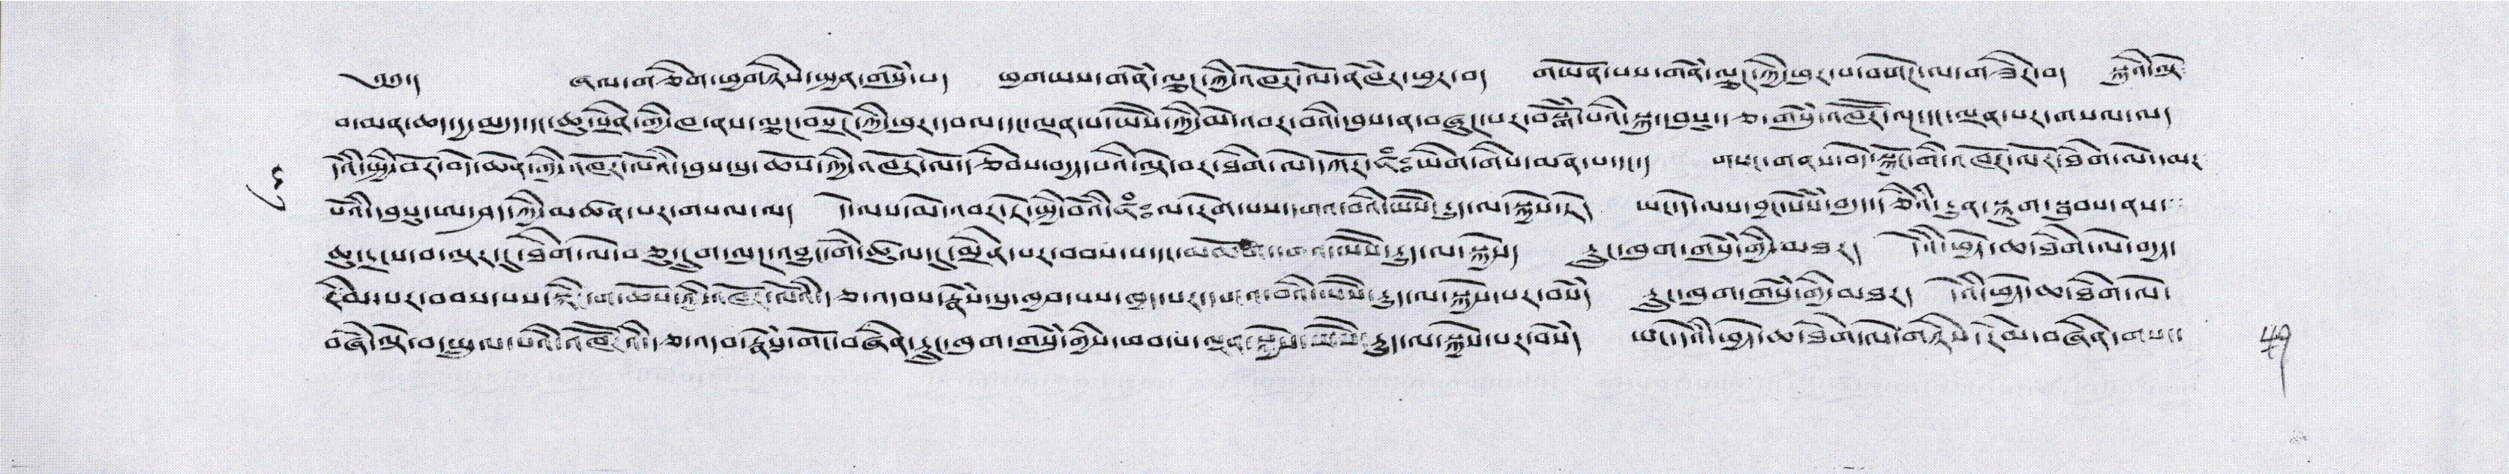ཞལ་གཅིག་ཕྱག་གཉིས་སྤྱན་གསུམ་པ། ཕྱག་གཡས་གནམ་ལྕགས་ཀྱི་འཁོར་ལོ་ནམ་མཁར་ཕྱར་བ། གཡོན་པས་གནམ་ལྕགས་ཀྱི་ཕུར་པ་བགེགས་ལ་གཟིར་བ། སྐུ་ཡི་ལྟེ་
བ་མན་ཆད་རྒྱ་མདུད་དང་ཆུ་སྲིན་གྱི་ཁ་ནས་ལྕགས་བསྲེགས་ཀྱི་ཕུར་དབལ་དང་ལྡན་པ། ཡེ་ཤེས་ཀྱི་མེ་འབར་བའི་དབུས་ན་བཞུགས་པར་བསྒོམ་པའི་སྐུ་དབུས་སུ་རྩ་གསུམ་འཁོར་ལོ་ལྔ་དང་ལྡན་པར་བསམ་ལ། 
དེའི་སྤྱི་བོར་བདེ་ཆེན་གྱི་འཁོར་ལོའི་དབུས་སུ་ཆོས་ཀྱི་འཁོར་ལོ་རྩིབས་བརྒྱད་པའི་ལྟེ་བར་ཐིག་ལེ་དཀར་པོ་ཧཾཿཡིག་གིས་མཚན་པ་དང་། གསང་གནས་བདེ་སྐྱོང་གི་འཁོར་ལོར་ཐིག་ལེ་དམར་
པོའི་དབུས་སུ་ཨ་ཤད་ཀྱིས་མཚན་པར་གསལ་ལ། དེ་ལས་མེ་འབར་ཏེ་སྤྱི་བོའི་ཧཾཿལ་རེག་པས་དགའ་བའི་ཡེ་ཤེས་རྒྱུད་ལ་སྐྱེས་ཏེ། ཡང་དེ་ལས་བྱང་སེམས་བདུད་རྩིའི་རྒྱུན་སྙུག་སྦུབས་ནས་
ཆུ་དྲངས་པ་ལྟར་དུ་ཐིག་ལེ་བཅུ་དྲུག་ལུགས་འབྱུང་གི་ཚུལ་དུ་མགྲིན་པར་བབས་པ་དང་མཆོག་དགའི་ཡེ་ཤེས་རྒྱུད་ལ་སྐྱེས། རླུང་ཁུག་གསུམ་གྱི་མཐར། དེའི་ཕྱེད་ཆ་ཐིག་ལེ་བརྒྱད་
རིམ་པར་བབས་པས་སྙིང་ག་ཆོས་ཀྱི་འཁོར་ལོའི་རྩ་འདབ་རྣམས་སུ་ཁྱབ་པས་ཁྱད་པར་དགའ་བའི་ཡེ་ཤེས་རྒྱུད་ལ་སྐྱེས་པར་བསམ། རླུང་ཁུག་གསུམ་གྱི་མཐར་དེའི་ཕྱེད་ཆ་ཐིག་ལེ་
བཞི་ལྟེ་བ་སྤྲུལ་པའི་འཁོར་ལོའི་རྩ་འདབ་རྣམས་སུ་གོང་བཞིན་རླུང་ཁུག་གསུམ་གྱིས་ཕབ་པ་ལྷན་སྐྱེས་ཡེ་ཤེས་རྒྱུད་ལ་སྐྱེས་པར་བསམ། ཡང་དེའི་ཕྱེད་ཆ་ཐིག་ལེག་གཉིས་རིམ་བཞིན་གསང་